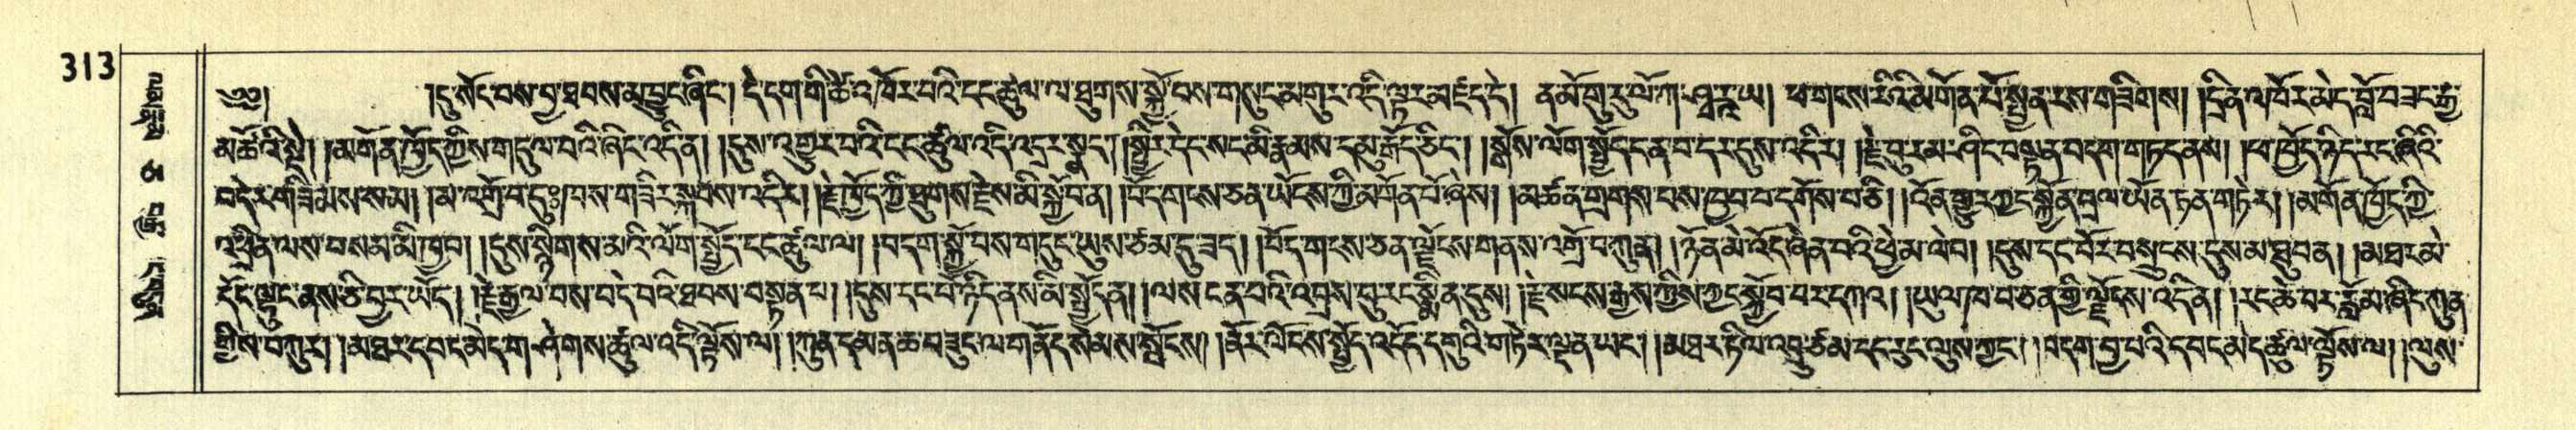༄༅། །དུ་སོང་བས་བྱ་ཐབས་མ་བྱུང་ཞིང་། དེ་དག་གི་ཚེ་འཁོར་པའི་ངང་ཚུལ་ལ་ཐུགས་སྐྱོ་བས་གསུང་མགུར་འདི་ལྟར་མཛད་དེ། ན་མོ་གུ་རུ་ལོ་ཀ་ཤྭ་རཱ་ཡ། ཕ་གངས་རིའི་མགོན་པོ་སྤྱན་རས་གཟིགས། །དྲིན་འཁོར་མེད་བློ་བཟང་རྒྱ་
མཚོའི་སྡེ། །མགོན་ཁྱོད་ཀྱིས་གདུལ་བའི་ཞིང་འདི་ན། །དུས་འགྱུར་བའི་ངང་ཚུལ་འདི་འདྲར་སྣང་། །སྤྱིར་དེང་སང་མི་རྣམས་དམུ་རྒོད་ཅིང་། །སྒོས་ལོག་སྤྱོད་ངན་བ་དར་དུས་འདིར། །རྗེ་བུ་རམ་ཤིང་བསྟན་བདག་གཏད་ནས། །ཕ་ཁྱོད་ཉིད་རང་ཞིའི་
བདེར་གཟིམས་སམ། །མ་འགྲོ་བ་དུཿ ཁས་གཟིར་སྐབས་འདིར། །རྗེ་ཁྱོད་ཀྱི་ཐུགས་རྗེས་མི་སྐྱོབ་ན། །བོད་གངས་ཅན་ཡོངས་ཀྱི་མགོན་པོ་ཞེས། །མཚན་གྲགས་པས་ཁྱབ་པ་དགོས་བ་ཅི། །འོན་གྱུར་ཀྱང་སྐྱོན་བྲལ་ཡོན་ཏན་གཏེར། །མགོན་ཁྱོད་ཀྱི་
འཕྲིན་ལས་བསམ་མི་ཁྱབ། །དུས་སྙིགས་མའི་ལོག་སྤྱོད་ངང་ཚུལ་ལ། །བདག་སྐྱོ་བས་གདུང་ཡུས་ཙམ་དུ་ཟད། །བོད་གངས་ཅན་ལྗོངས་གནས་འགྲོ་བ་ཀུན། །ཉོན་མེ་འོད་ཞེན་བའི་ཕྱེ་མ་ལེ་བ། །དུས་དང་བོར་བསྲུངས་དུས་མ་ཐུབ་ན། །མཐར་མེ་
དོང་ལྷུང་ནས་ཅི་བྱར་ཡོད། །རྗེ་རྒྱལ་བས་བདེ་བའི་ཐབས་བསྟན་པ། །དུས་དང་པོ་ཉིད་ནས་མི་སྤྱོད་ན། །ལས་ངན་བའི་འབྲས་བུ་རང་སྨིན་དུས། །རྗེ་སངས་རྒྱས་ཀྱིས་ཀྱང་སྐྱོབ་པར་དཀའ། །ཡུལ་ཁ་བ་ཅན་གྱི་ལྗོངས་འདི་ན། །རང་ཆེ་བར་རློམ་ཞིང་ཀུན་
གྱིས་བཀུར། །མཐར་དབང་མེད་གཤེགས་ཚུལ་འདི་ལྟོས་ལ། །ཀུན་དམན་ཆ་བཟུང་ལ་གནོད་སེམས་སྤོངས། །ནོར་ལོངས་སྤྱོད་འདོད་དགུའི་གཏེར་ལྡན་ཡང་། །མཐར་ཏིལ་འབྲུ་ཙམ་དང་རུང་ལུས་ཀྱང་། །བདག་བྱ་པའི་དབང་མེད་ཚུལ་ལྟོས་ལ། །ལུས་